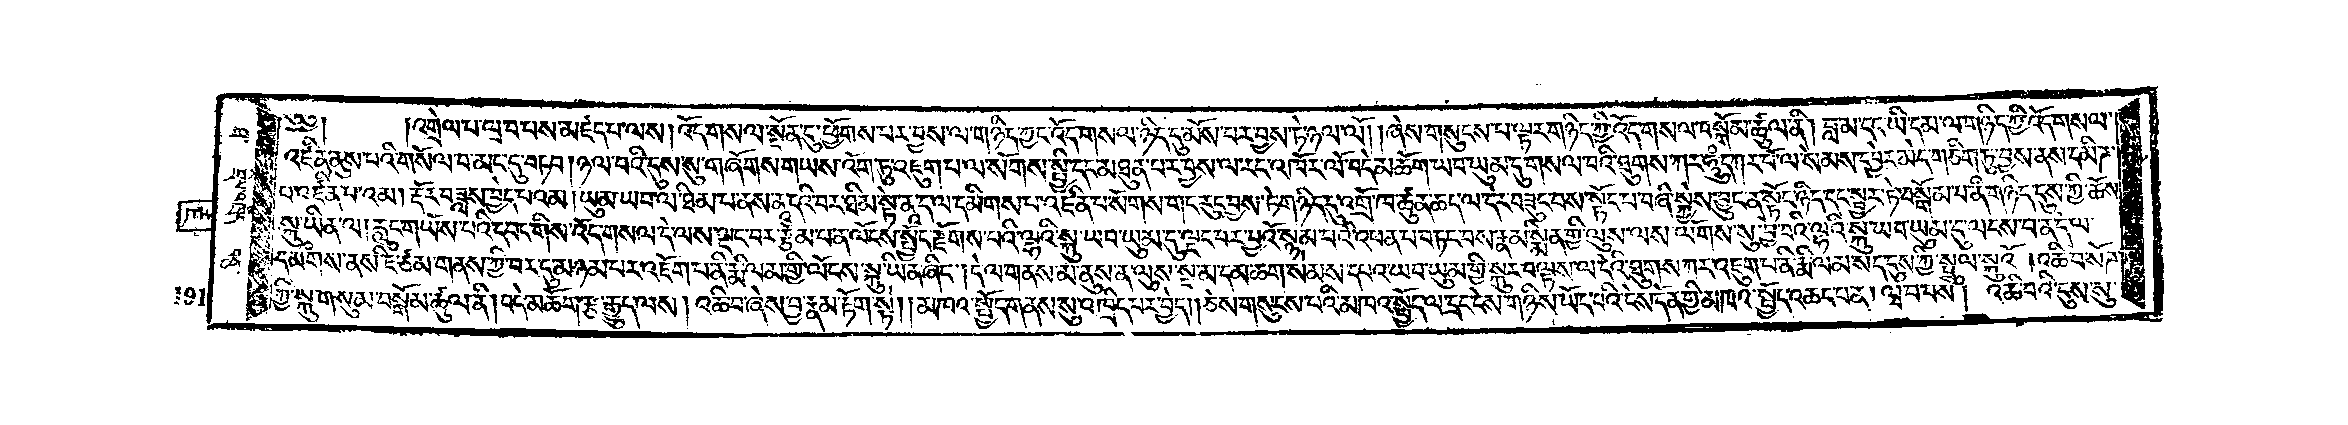༄༅། །འགྲེལ་པ་ལྭ་བ་པས་མཛད་པ་ལས། འོད་གསལ་སྔོན་དུ་ཕྱོགས་པར་བྱས་ལ་གཉིད་ཀྱང་འོད་གསལ་ཉིད་དུ་མོས་པར་བྱས་ཏེ་ཉལ་ལོ། །ཞེས་གསུངས་པ་ལྟར་གཉིད་ཀྱི་འོད་གསལ་བསྒོམ་ཚུལ་ནི། བླ་མ་དང་ཡི་དམ་ལ་གཉིད་ཀྱི་འོད་གསལ་
འཛིན་ནུས་པའི་གསོལ་བ་མང་དུ་བཏབ། ཉལ་བའི་དུས་སུ་གཞོགས་གཡས་འོག་ཏུ་འཇུག་པ་ལ་སོགས་སྤྱི་དང་མཐུན་པར་བྱས་ལ་རང་འཁོར་ལོ་བདེ་མཆོག་ཡབ་ཡུམ་དུ་གསལ་བའི་ཐུགས་ཀར་ཧཱུཾ་དཀར་པོ་ལ་སེམས་དབྱེར་མེད་གཅིག་ཏུ་བྱས་ནས་དམིགས་
པ་འཛིན་པ་འམ། རྡོར་བཟླས་བྱེད་པའམ། ཡུམ་ཡབ་ལ་ཐིམ་པ་ནས་ནཱ་དའི་བར་ཐིམ་སྟེ་ནཱ་ད་ལ་དམིགས་པ་འཛིན་པ་སོགས་གང་རུང་བྱས་ཏེ་གཉིད་དུ་འགྲོ་ཁ་ཚུན་ཆད་ལ་དེར་བཟུང་བས་སྟོང་པ་བཞི་སྐྱེས་བྱུང་ན་སྟོང་ཉིད་དང་སྦྱར་ཏེ་བསྒོམ་པ་ནི་གཉིད་དུས་ཀྱི་ཆོས་
སྐུ་ཡིན་ལ། རླུང་གཡོས་པའི་དབང་གིས་འོད་གསལ་དེ་ལས་ལྡང་བར་རྩོམ་པ་ན་ལོངས་སྤྱོད་རྫོགས་པའི་ལྷའི་སྐུ་ཡབ་ཡུམ་དུ་ལྡང་བར་བྱའོ་སྙམ་པའི་འཕན་པ་བཏང་བས་རྣམ་སྨིན་གྱི་ལུས་ལས་ལོགས་སུ་བྱེ་བའི་ལྷའི་སྐུ་ཡབ་ཡུམ་དུ་ལངས་པ་ན་དེ་ལ་
དམིགས་ནས་ཇི་ཙམ་གནས་ཀྱི་བར་དུ་མཉམ་པར་འཇོག་པ་ནི་རྨི་ལམ་གྱི་ལོངས་སྐུ་ཡིན་ཞིང་། དེ་ལ་གནས་མ་ནུས་ན་ལུས་སྔ་མ་དམ་ཚིག་སེམས་དཔའ་ཡབ་ཡུམ་གྱི་སྐུར་བལྟས་ལ་དེའི་ཐུགས་ཀར་འཇུག་པ་ནི་རྨི་ལམ་སད་དུས་ཀྱི་སྤྲུལ་སྐུའོ། །འཆི་བ་སོགས་
ཀྱི་སྐུ་གསུམ་བསྒོམ་ཚུལ་ནི། བདེ་མཆོག་རྩ་རྒྱུད་ལས། འཆི་བ་ཞེས་བྱ་རྣམ་རྟོག་སྟེ། །མཁའ་སྤྱོད་གནས་སུ་འཁྲིད་པར་བྱེད། །ཅེས་གསུངས་པའི་མཁའ་སྤྱོད་ལ་དྲང་ངེས་གཉིས་ཡོད་པའི་ངེས་དོན་གྱི་མཁའ་སྤྱོད་འཆད་པ་ན། ལྭ་བ་པས། འཆི་བའི་དུས་སུ་